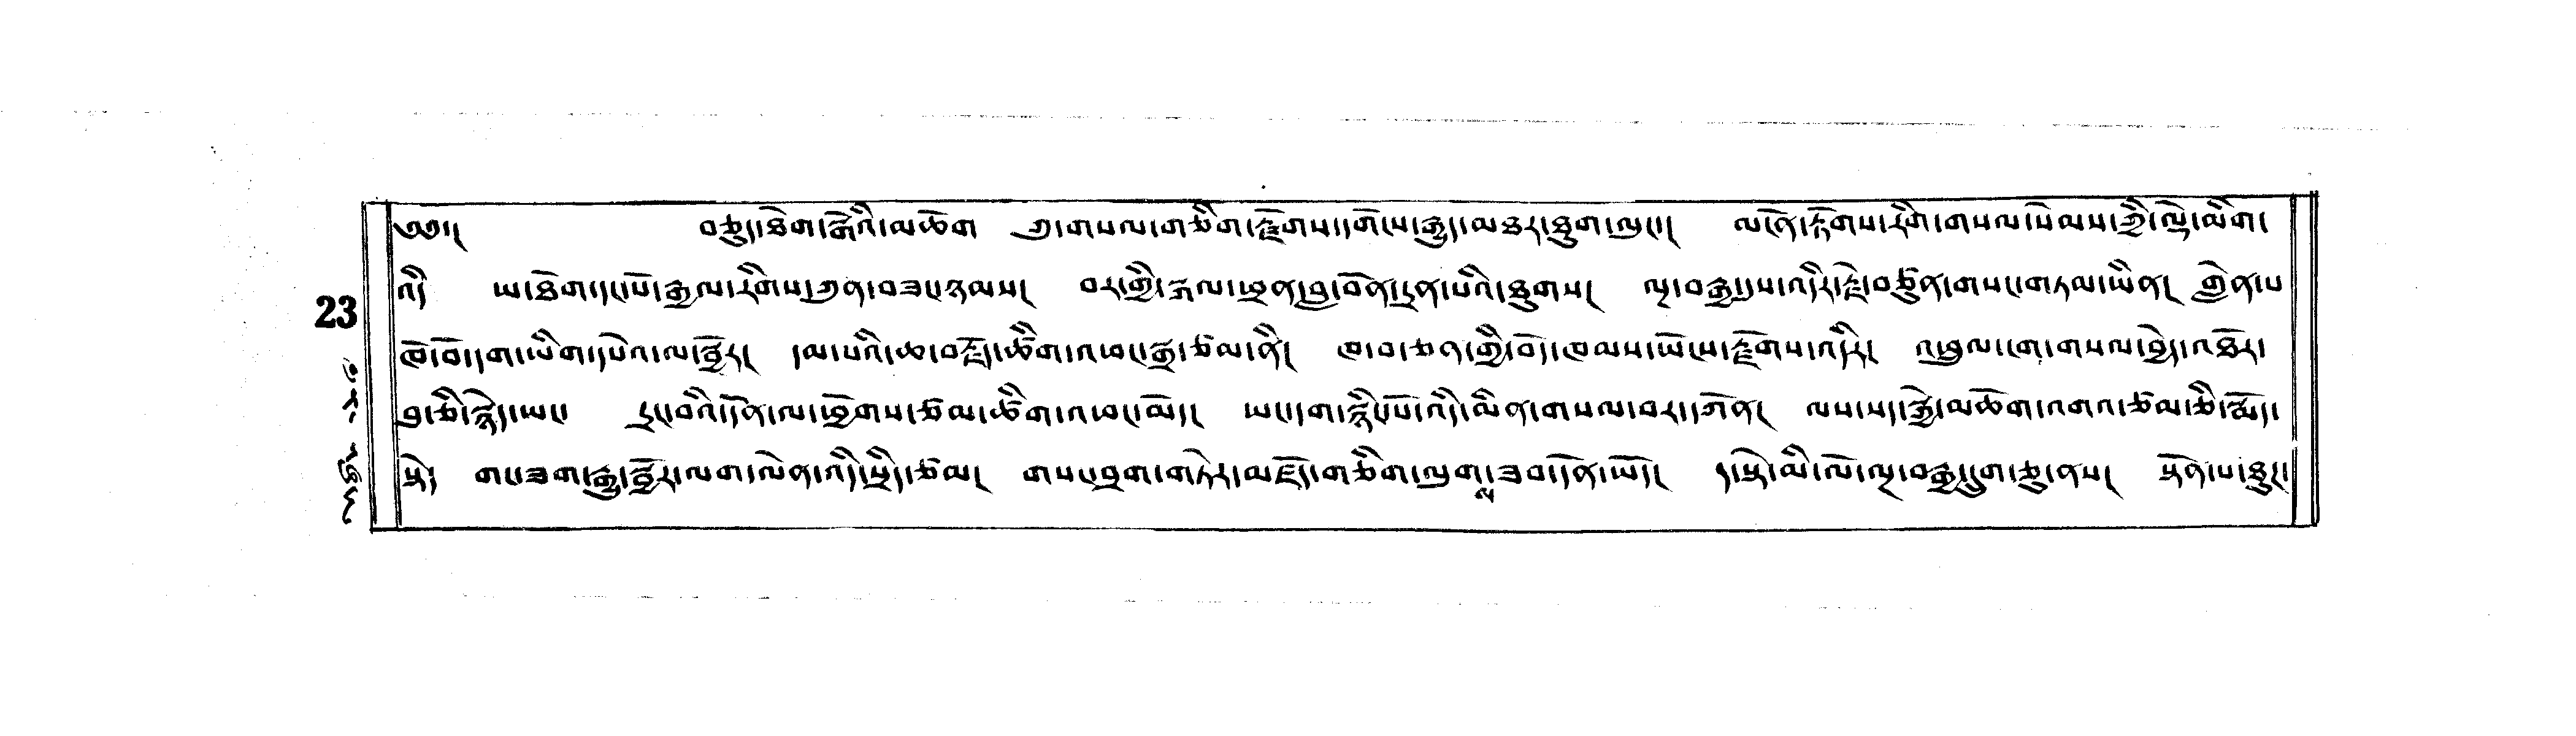བཅུད་ཐེག་སྒོའི་མཆོག ཀུན་གསལ་གཅིག་རྫོགས་དགོངས་རྒྱུད་མཐར་ཐུག་ལུང་། མངོན་རྟོགས་རིག་གསལ་སེམས་ཀྱི་ལྡེ་མིག་
འདི། ཡ་ཐོག་དང་པོ་རྒྱལ་རིགས་ཀུན་བཟང་ཉམས། བར་གྱི་སྐལ་ཕྲན་བླ་བོན་དྲན་པའི་ཐུགས། ལྔ་བརྒྱ་དུས་འདིར་རྗེ་བཙུན་གསང་གཏམ་ཡིན། གླེན་པ་
ཁོ་བོ་དག་ཡིག་དཔེ་ལ་སྦྱོར། དམ་པའི་ཆ་བརྗོད་ཚིག་འཕང་སྒྲ་ཙམ་ནི། ཁ་བ་ཅན་གྱི་བོད་ཁམས་ཡོངས་རྫོགས་འདིར། འཕྲུལ་ངག་གསལ་བྱེད་འཐོར་
བུ་ཅི་སྙེད་ཡང་། དྲང་བའི་དོན་ལ་ཕྱོགས་ཙམ་ཚིག་འཕང་མོད། ཡང་དག་སྙིང་པོ་འདི་མིན་གསལ་བར་དཀོན། ལས་སད་སྐྱེས་མཆོག་འགའ་ཙམ་ཅི་སྨོད་
སྟེ། གང་ཟག་རྒྱུ་སྦྱོར་ལག་ལེན་འདི་སྲིད་ཙམ། གསང་བྲག་གཏེར་མཛོད་གཅིག་ལུགས་ཟབ་དོན་ཡོད། ད་སྟེ་མི་ལོ་ལྔ་བརྒྱ་དྲུག་ཅུ་ནས། སྟོན་པ་ཐུགས་